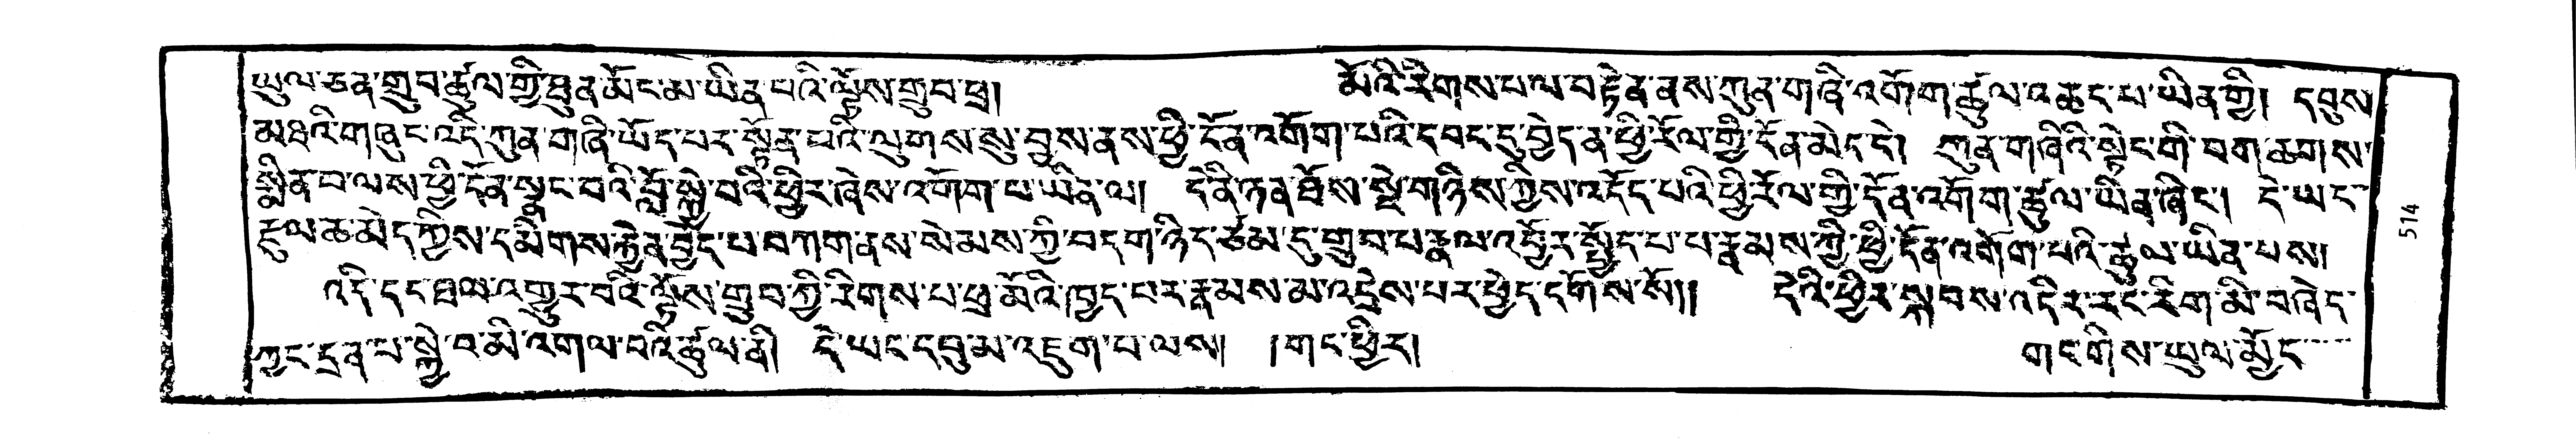ཡུལ་ཅན་གྲུབ་ཚུལ་གྱི་ཐུན་མོང་མ་ཡིན་པའི་ལྟོས་གྲུབ་ཕྲ། མོའི་རིགས་པ་ལ་བརྟེན་ནས་ཀུན་གཞི་འགོག་ཚུལ་འཆད་པ་ཡིན་གྱི། དབུས་
མཐའི་གཞུང་འདི་ཀུན་གཞི་ཡོད་པར་སྟོན་པའི་ལུགས་སུ་བྱས་ནས་ཕྱི་དོན་འགོག་པའི་དབང་དུ་བྱེད་ན་ཕྱི་རོལ་གྱི་དོན་མེད་དེ། ཀུན་གཞིའི་སྟེང་གི་བག་ཆགས་
སྨིན་པ་ལས་ཕྱི་དོན་སྣང་བའི་བློ་སྐྱེ་བའི་ཕྱིར་ཞེས་འགོག་པ་ཡིན་ལ། དེ་ནི་ཉན་ཐོས་སྡེ་གཉིས་ཀྱིས་འདོད་པའི་ཕྱི་རོལ་གྱི་དོན་འགོག་ཚུལ་ཡིན་ཞིང་། དེ་ཡང་
རྡུལ་ཆ་མེད་ཀྱིས་དམིགས་རྐྱེན་བྱེད་པ་བཀག་ནས་སེམས་ཀྱི་བདག་ཉིད་ཙམ་དུ་གྲུབ་པ་རྣལ་འབྱོར་སྤྱོད་པ་པ་རྣམས་ཀྱི་ཕྱི་དོན་འགོག་པའི་ཚུལ་ཡིན་པས།
འདི་དང་ཐལ་འགྱུར་བའི་ལྟོས་གྲུབ་ཀྱི་རིགས་པ་ཕྲ་མོའི་ཁྱད་པར་རྣམས་མ་འདྲེས་པར་ཕྱེད་དགོས་སོ། །དེའི་ཕྱིར་སྐབས་འདིར་རང་རིག་མི་བཞེད་
ཀྱང་དྲན་པ་སྐྱེ་བ་མི་འགལ་བའི་ཚུལ་ནི། དེ་ཡང་དབུ་མ་འཇུག་པ་ལས། །གང་ཕྱིར། གང་གིས་ཡུལ་མྱོང་